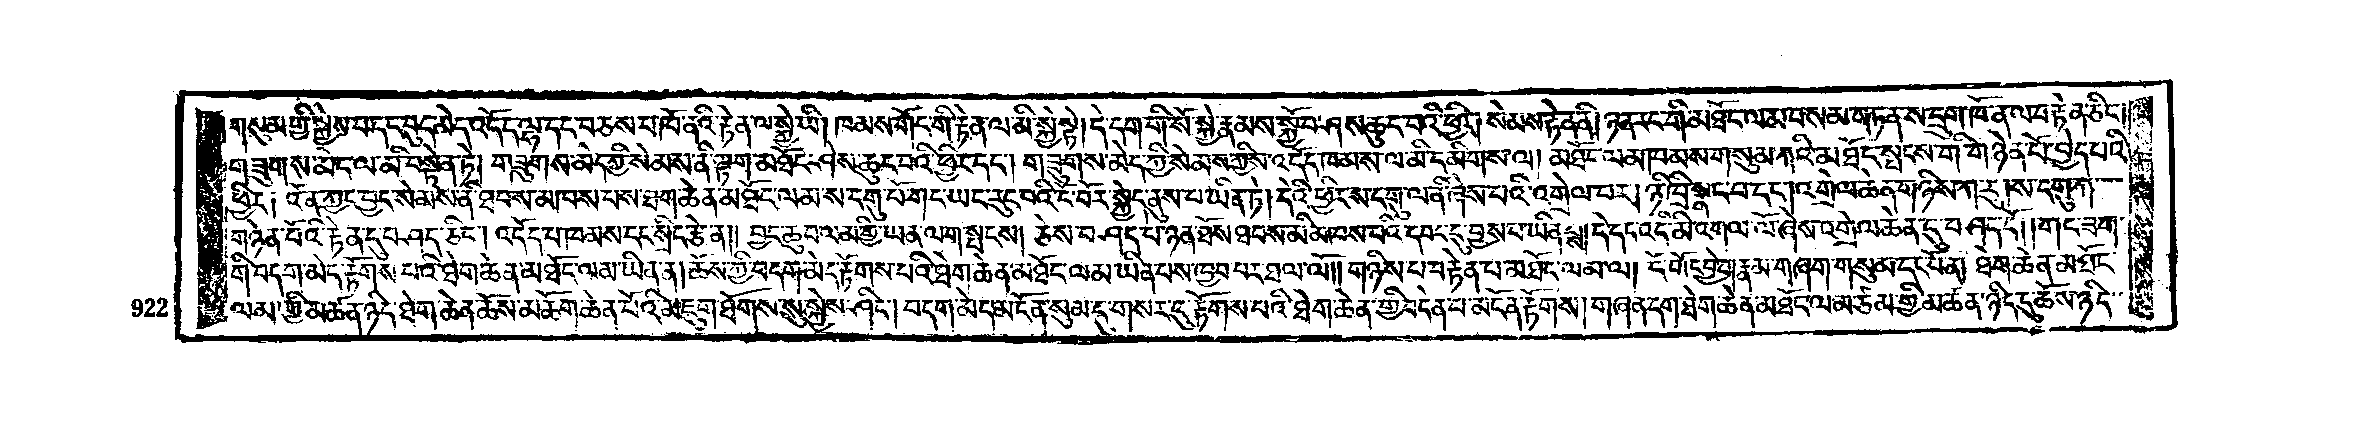གསུམ་གྱི་སྐྱེས་པ་དང་བུད་མེད་འདོད་ལྷ་དང་བཅས་པ་ཁོ་ནའི་རྟེན་ལ་སྐྱེ་ཡི། ཁམས་གོང་གི་རྟེན་ལ་མི་སྐྱེ་སྟེ། དེ་དག་གི་སོ་སྐྱེ་རྣམས་སྐྱོ་བ་ཤས་ཆུང་བའི་ཕྱིར། སེམས་རྟེན་ནི། ཉན་རང་གི་མཐོང་ལམ་བསམ་གཏན་ས་དྲུག་ཁོ་ན་ལ་བརྟེན་ཅིང་
གཟུགས་མེད་ལ་མི་བསྟེན་ཏེ། གཟུགས་མེད་ཀྱི་སེམས་ནི་ལྟག་མཐོང་ཤེས་ཆུང་བའི་ཕྱིར་དང་། གཟུགས་མེད་ཀྱི་སེམས་ཀྱིས་འདོད་ཁམས་ལ་མི་དམིགས་ལ། མཐོང་ལམ་ཁམས་གསུམ་ཀའི་མཐོང་སྤངས་གི་གཉེན་པོ་བྱེད་པའི་
ཕྱིར། འོན་ཀྱང་བྱང་སེམས་ནི་ཐབས་མཁས་པས་ཐེག་ཆེན་མཐོང་ལམ་ས་དགུ་པོ་གང་ཡང་རུང་བའི་ངོ་བོར་སྐྱེད་ནུས་པ་ཡིན་ཏེ། དེའི་ཕྱིར་ས་དགུ་ལ་ནི་ཞེས་པའི་འགྲེལ་བར། ཉི་ཁྲི་སྣང་བ་དང་། འགྲེལ་ཆེན་གཉིས་ཀ་རུ། ས་དགུ་ཀ་
གཉེན་པོའི་རྟེན་དུ་བཤད་ཅིང་། འདོད་པ་ཁམས་དང་སྲིད་རྩེ་ན། །བྱང་ཆུབ་ལམ་གྱི་ཡན་ལག་སྤངས། ཅེས་བཤད་པ་ཉན་ཐོས་ཐབས་མི་མཁས་པའི་དབང་དུ་བྱས་པ་ཡིན་པས། དེ་དང་འདི་མི་འགལ་ལོ་ཞེས་འགྲེལ་ཆེན་དུ་བཤད་དོ། །གང་ཟག་
གི་བདག་མེད་རྟོགས་པའི་ཐེག་ཆེན་མཐོང་ལམ་ཡིན་ན། ཆོས་ཀྱི་བདག་མེད་རྟོགས་པའི་ཐེག་ཆེན་མཐོང་ལམ་ཡིན་པས་ཁྱབ་པར་ཐལ་ལོ། །གཉིས་པ་བརྟེན་པ་མཐོང་ལམ་ལ། ངོ་བོ། དབྱེ་བ། རྣམ་གཞག་གསུམ་དང་པོ་ན། ཐེག་ཆེན་མཐོང་
ལམ་གྱི་མཚན་ཉིད་ཐེག་ཆེན་ཆོས་མཆོག་ཆེན་པོའི་མཇུག་ཐོགས་སུ་སྐྱེས་ཤིང་། བདག་མེད་མངོན་སུམ་དུ་གསར་དུ་རྟོགས་པའི་ཐེག་ཆེན་གྱི་བདེན་པ་མངོན་རྟོགས། གཞན་དག་ཐེག་ཆེན་མཐོང་ལམ་ཙམ་གྱི་མཚན་ཉིད་དུ་ཆོས་ཉིད་